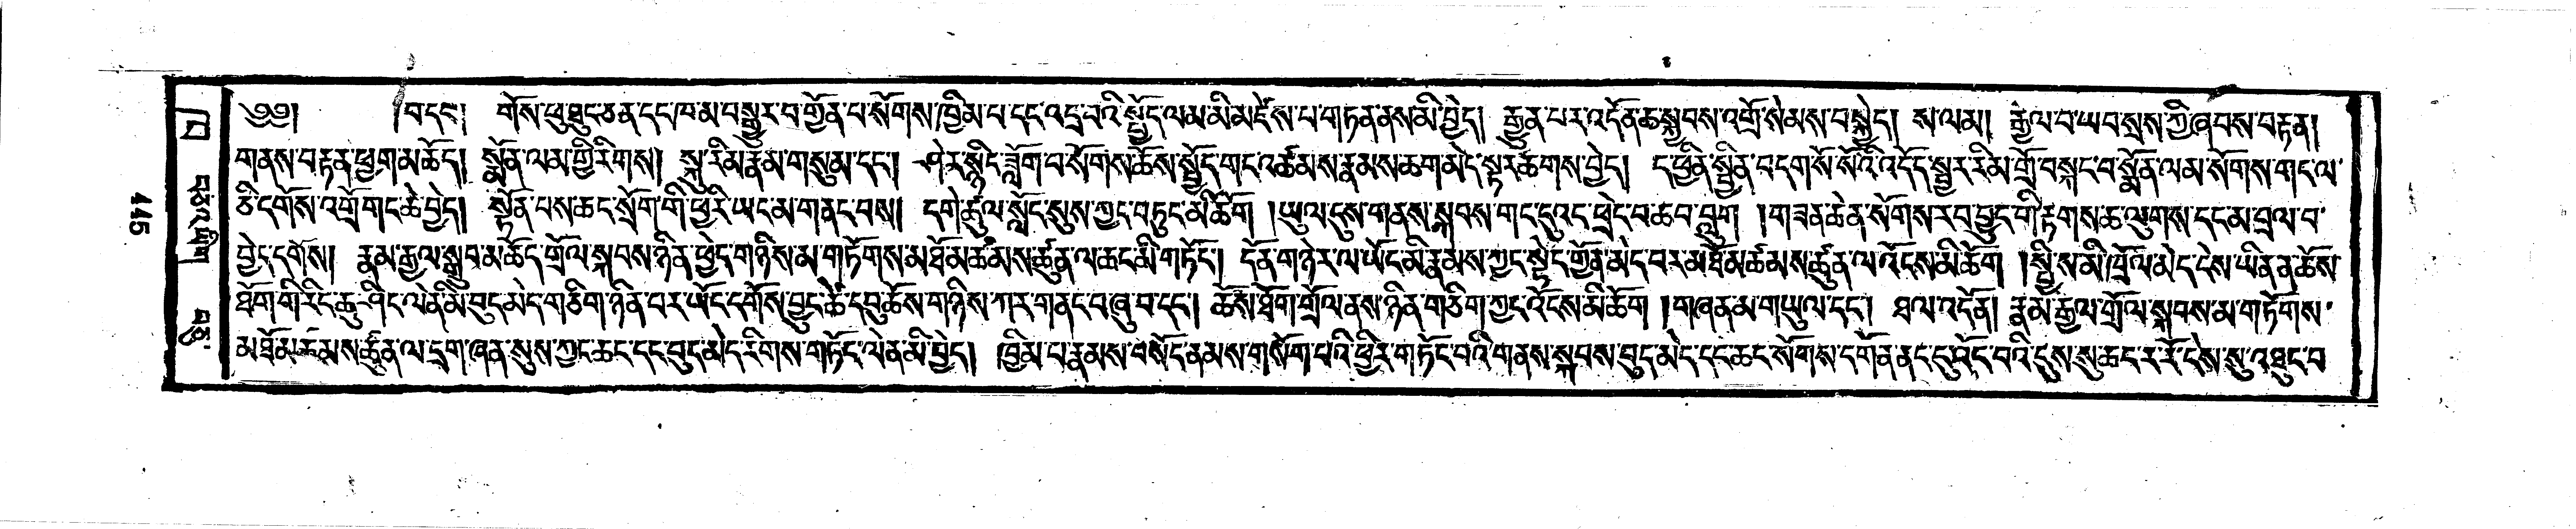༄༅། །བ་དང་། གོས་ཕུ་ཐུང་ཅན་དང་ཁ་མ་བསྒྱུར་བ་གྱོན་པ་སོགས་ཁྱིམ་པ་དང་འདྲ་བའི་སྤྱོད་ལམ་མི་མཛེས་པ་གཏན་ནས་མི་བྱེད། རྒྱུན་པར་འདོན་ཆ་སྐྱབས་འགྲོ་སེམས་བསྐྱེད། ས་ལམ། རྒྱལ་བ་ཡབ་སྲས་ཀྱི་ཞབས་བརྟན།
གནས་བརྟན་ཕྱག་མཆོད། སྨོན་ལམ་གྱི་རིགས། སྐུ་རིམ་རྣམ་གསུམ་དང་། ཤེར་སྙིང་ཟློག་བ་སོགས་ཆོས་སྦྱོད་གང་འཚམས་རྣམས་ཆག་མེད་སྟར་ཆགས་བྱེད། ད་ཕྱིན་སྦྱིན་བདག་སོ་སོའི་འདོད་སྦྱར་རིམ་གྲོ་བསྐང་བ་སྨོན་ལམ་སོགས་གང་ལ་
ཅི་དགོས་འགྲོ་གང་ཆེ་བྱེད། སྟོན་པས་ཆང་སྲོག་གི་ཕྱིར་ཡང་མ་གནང་བས། དགེ་ཚུལ་སློང་སུས་ཀྱང་བཏུང་མི་ཆོག །ཡུལ་དུས་གནས་སྐབས་གང་དུའང་ཕྲེང་བ་ཆབ་བླུག །གཟན་ཆེན་སོགས་རབ་བྱུང་གི་རྟགས་ཆ་ལུགས་དང་མ་བྲལ་བ་
བྱེད་དགོས། རྣམ་རྒྱལ་སྒྲུབ་མཆོད་གྲོལ་སྐབས་ཉིན་ཕྱེད་གཉིས་མ་གཏོགས་མཐོ་མཚམས་ཚུན་ལ་ཆང་མི་གཏོང་། དོན་གཉེར་ལ་ཡོང་མི་རྣམས་ཀྱང་སྟེད་གྱོན་མེད་བར་མཐོ་མཚམས་ཚུན་ལ་འོངས་མི་ཆོག །སྦྱི་ས་མི་ཁྲོལ་མེད་ངེས་ཡིན་ན་ཆོས་
ཐོག་གི་རིང་ཆུ་ཤིང་ལེན་མི་བུད་མེད་གཅིག་ཉིན་པར་ཡོད་དགོས་བྱུང་ཚེ་དབུ་ཆོས་གཉིས་ཀར་གནང་བཞུ་བ་དང་། ཆོས་ཐོག་གྲོལ་ནས་ཉིན་གཅིག་ཀྱང་འོངས་མི་ཆོག །གཞན་མ་གཡུལ་དང་། ཐལ་འདོན། རྣམ་རྒྱལ་གྲོལ་སྐབས་མ་གཏོགས་
མཐོ་མཚམས་ཚུན་ལ་དྲག་ཞན་སུས་ཀྱང་ཆང་དང་བུད་མེད་རིགས་གཏོང་ལེན་མི་བྱེད། ཁྱིམ་པ་རྣམས་བསོད་ནམས་གསོག་པའི་ཕྱིར་གཏོང་བའི་གནས་སྐབས་བུད་མེད་དང་ཆང་སོགས་དགོན་ནང་དུ་འོང་བའི་དུས་སུ་ཆང་ར་རོ་ངེས་སུ་འཐུང་བ་